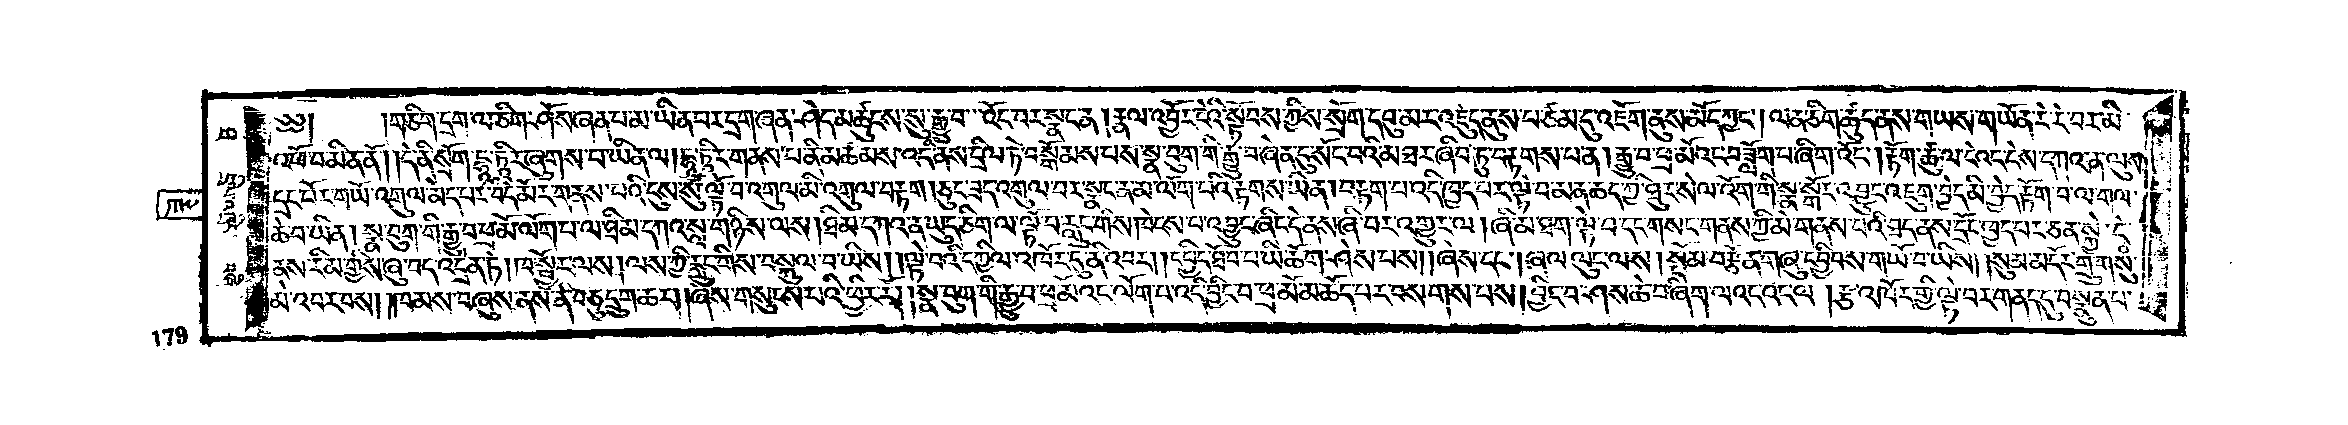༄༅། །གཅིག་དྲག་ལ་ཅིག་ཤེས་ཞན་པ་མ་ཡིན་པར་དྲག་ཞན་ཤེད་མཚུངས་སུ་རྒྱུ་བ་འོང་བར་སྣང་ན། རྣལ་འབྱོར་དེའི་སྟོབས་ཀྱིས་སྲོག་དབུ་མར་འཛུད་ནུས་པ་ཙམ་དུ་འཇོག་ནུས་མོད་ཀྱང་། ལན་ཅིག་ཚུད་ནས་གཡས་གཡོན་རེ་རེ་བར་མི་
འཕོ་བ་མིན་ནོ། །དེ་ནི་སྲོག་དྷཱུ་ཏཱིར་ཞུགས་པ་ཡིན་ལ། དྷཱུ་ཏཱིར་གནས་པ་ནི་མཚམས་འདི་ནས་དྲིལ་ཏེ་བསྒོམས་པས་སྣ་བུག་གི་རྒྱུ་བ་ཞེན་དུ་སོང་བའི་མཐར་ཞིབ་ཏུ་བརྟགས་པ་ན། རྒྱུ་བ་ཕྲ་མོའང་བཟློག་པ་ཞིག་འོང་། རྟོག་ཚུལ་དེའང་དེས་དཀའ་ན་ལུས་
དྲང་པོར་གཡོ་འགུལ་མེད་པར་བདེ་མོར་གནས་པའི་དུས་སུ་ལྟོ་བ་འགུལ་མི་འགུལ་བརྟག །ཅུང་ཟད་འགུལ་བར་སྣང་ན་མ་ལོག་པའི་རྟགས་ཡིན། བརྟག་པ་འདི་ཁྱད་པར་ལྟེ་བ་མན་ཆད་ཀྱི་ཐུར་སེལ་འོག་གི་སྣ་སྒོར་འབྱུང་འཇུག་བྱེད་མི་བྱེད་རྟོག་བལ་གལ་
ཆེ་བ་ཡིན། སྣ་བུག་གི་རྒྱུ་བ་ཕྲ་མོ་ལོག་པ་ལ་ཐིམ་དཀའ་སླ་གཉིས་ལས། ཐིམ་དཀའ་ན་ཡུད་ཅིག་ལ་ལྟོ་བ་རླུང་གིས་ཁེངས་པ་འབྱུང་ཞིང་དེ་ནས་ཞི་བར་འགྱུར་ལ། ཞི་མ་ཐག་ལྟེ་བ་དང་གསང་གནས་ཀྱི་མེ་གནས་པའི་ཐད་ནས་དྲོད་?་ཁྱད་པར་ཅན་སྐྱེ་དེ་
ནས་རིམ་གྱིས་ཞུ་བད་འདྲེན་ཏེ། ཁ་སྦྱོར་ལས། ལས་ཀྱི་རླུང་གིས་བསྐུལ་བ་ཡིས། །ལྟེ་བའི་དཀྱིལ་འཁོར་དུ་ནི་འབར། །དཔྱིད་ཐོབ་པ་ཡི་ཆོག་ཤེས་པས། །ཞེས་དང་། ཞལ་ལུང་ལས། སྡོམ་བརྩོན་གཞུ་དབྱིབས་གཡོ་བ་ཡིས། །སུམ་མདོར་གྲུ་གསུཾ་
མེ་འབར་བས། །ཁམས་བཞུས་ནས་ནི་བཅུ་དྲུག་ཆར། །ཞེས་གསུངས་པའི་ཕྱིར་རོ། །སྣ་བུག་གི་རྒྱུ་བ་ཕྲ་མོའང་ལོག་པ་འདི་བྱིང་བ་ཕྲ་མོ་མ་ཆོད་པར་བསགས་པས། བྱིང་བ་ཤས་ཆེ་བ་ཞིག་ལའང་འོང་ལ། རྩ་འཁོར་གྱི་ལྟེ་བར་གནད་དུ་བསྣུན་པ་